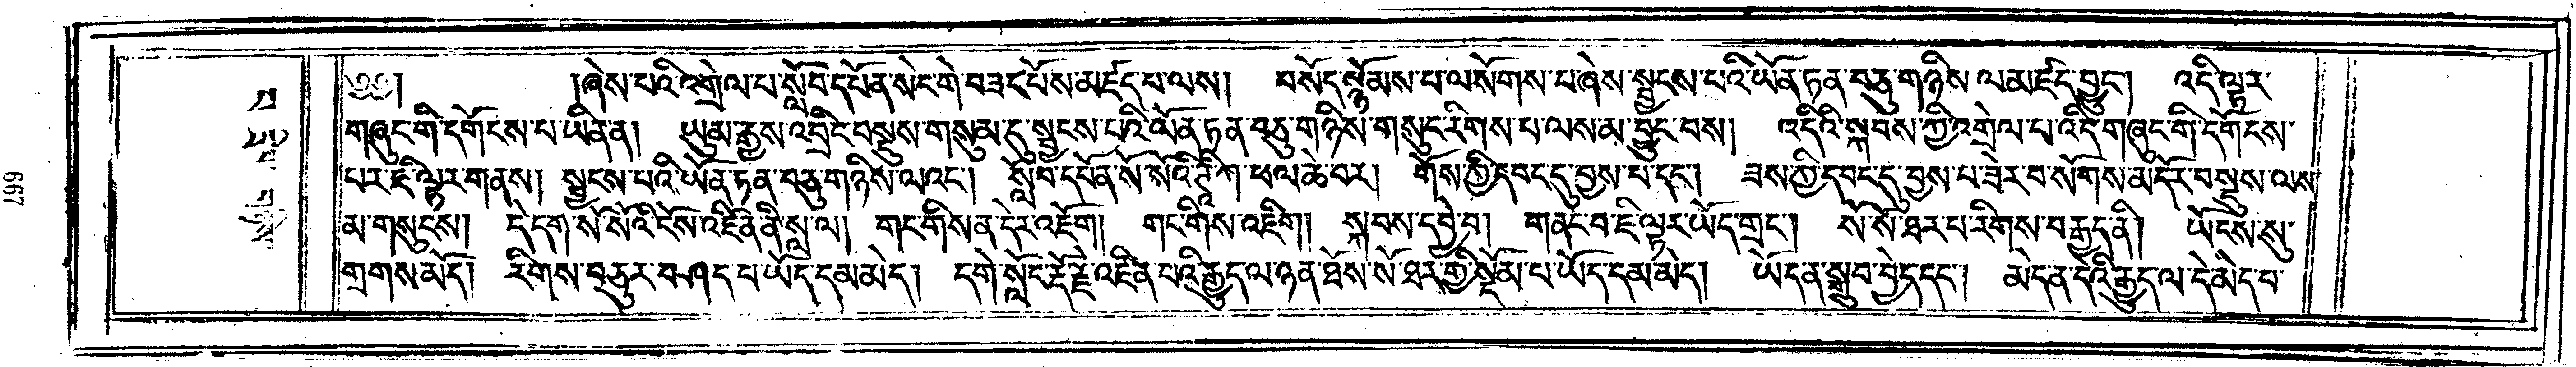༄༅། །ཞེས་པའི་འགྲེལ་པ་སློབ་དཔོན་སེང་གེ་བཟང་པོས་མཛད་པ་ལས། བསོད་སྙོམས་པ་ལ་སོགས་པ་ཞེས་སྦྱངས་པའི་ཡོན་ཏན་བཅུ་གཉིས་ལ་མཛད་བྱུང་། འདི་ལྟར་
གཞུང་གི་དགོངས་པ་ཡིན་ན། ཡུམ་རྒྱས་འབྲིང་བསྡུས་གསུམ་དུ་སྦྱངས་པའི་ཡོན་ཏན་བཅུ་གཉིས་གསུང་རིགས་པ་ལས་མ་བྱུང་བས། འདིའི་སྐབས་ཀྱི་འགྲེལ་པ་འདི་གཞུང་གི་དགོངས་
པར་ཇི་ལྟར་གནས། སྦྱངས་པའི་ཡོན་ཏན་བཅུ་གཉིས་ལའང་། སློབ་དཔོན་སོ་སོའི་ཊཱི་ཀ་ཕལ་ཆེ་བར། གོས་ཀྱི་དབང་དུ་བྱས་པ་དང་། ཟས་ཀྱི་དབང་དུ་བྱས་པ་ཟེར་བ་སོགས་མདོར་བསྡུས་ལས་
མ་གསུངས། དེ་དག་སོ་སོའི་ངོས་འཛིན་ནི་སླ་ལ། གང་གིས་ན་དེར་འཇོག། གང་གིས་འཇིག། སྐབས་དབྱེ་བ། གནང་བ་ཇི་ལྟར་ཡོད་གྲང་། སོ་སོ་ཐར་པ་རིགས་བརྒྱད་ནི། ཡོངས་སུ་
གྲགས་མོད། རིགས་བཅུར་བཤད་པ་ཡོད་དམ་མེད། དགེ་སློང་རྡོ་རྗེ་འཛིན་པའི་རྒྱུད་ལ་ཉན་ཐོས་སོ་ཐར་གྱི་སྡོམ་པ་ཡོད་དམ་མེད། ཡོད་ན་སྒྲུབ་བྱེད་དང་། མེད་ན་དེའི་རྒྱུད་ལ་དེ་མེད་པ་